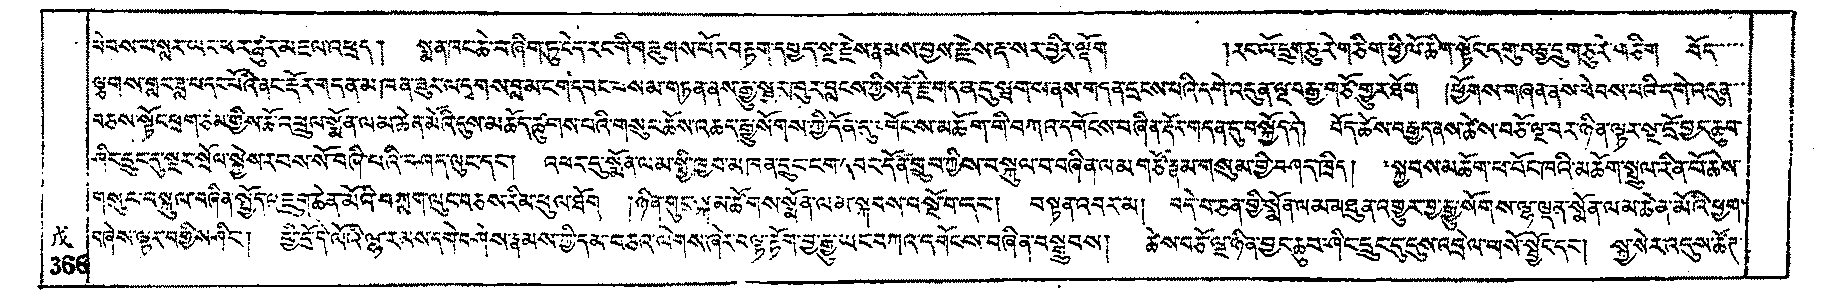ཕེབས་པ་སླར་ཡང་ཕར་ཚུར་མཇལ་འཕྲད། སྨན་ཁང་ཆེ་བ་ཞིག་ཏུ་ངེད་རང་གི་གཟུགས་པོར་བརྟག་དཔྱད་སྔ་རྗེས་རྣམས་བྱས་རྗེས་རྡ་སར་ཕྱིར་ལྡོག །རང་ལོ་དྲུག་ཅུ་རེ་གཅིག་ཕྱི་ལོ་ཆིག་སྟོང་དགུ་བརྒྱ་དྲུག་ཅུ་རེ་གཅིག་བོད་
ལྕགས་གླང་ཟླ་པ་དང་པོའི་ནང་རྡོར་གདན་མཁན་ཟུར་ལ་དྭགས་བླ་མ་ངག་དབང་བསམ་གཏན་ནས་རྒྱུ་སྦྱར་ཁུར་བླངས་ཀྱིས་རྡོ་རྗེ་གདན་དུ་སྦག་ས་ནས་གདན་དྲངས་པའི་དགེ་འདུན་ལྔ་བརྒྱ་གཙོ་གྱུར་ཐོག །ཕྱོགས་གཞན་ནས་ཕེབས་པའི་དགེ་འདུན་
བཅས་སྟོང་ཕྲག་ཙམ་གྱིས་ཆོ་འཕྲུལ་སྨོན་ལམ་ཆེན་མོའི་དུས་མཆོད་ཚུགས་པའི་གསུང་ཆོས་འཆད་རྒྱུ་སོགས་ཀྱི་དོན་དུ་༧གོང་ས་མཆོག་གི་བཀའ་དགོངས་བཞིན་རྡོར་གདན་དུ་བསྐྱོད་དེ། བོད་ཚེས་བརྒྱད་ནས་ཚེས་བཅོ་ལྔ་བར་ཉིན་ལྟར་སྔ་དྲོ་བྱང་ཆུབ་
ཤིང་དྲུང་དུ་སྔར་སྲོལ་སྐྱེས་རབས་སོ་བཞི་པའི་བཤད་ལུང་དང་། འཕར་དུ་སྨོན་ལམ་སྤྱི་ཁྱབ་མཁན་དྲུང་ངག་དབང་དོན་གྲུབ་ཀྱིས་བསྐུལ་བ་བཞིན་ལམ་གཙོ་རྣམ་གསུམ་གྱི་བཤད་ཁྲིད། ༧སྐྱབས་མཆོག་ཕ་བོང་ཁའི་མཆོག་སྤྲུལ་རིན་པོ་ཆེས་
གསུང་བསྐུལ་བཞིན་སྤྱོད་འཇུག་ཆེན་མོའི་བཀླག་ལུང་བཅས་རིམ་ཕུལ་ཐོག །ཉིན་གུང་སྐམ་ཚོགས་སྨོན་ལམ་སྐབས་བསྔོ་བ་དང་། བསྟན་འབར་མ། བདེ་བ་ཅན་གྱི་སྨོན་ལམ་མཐུན་འགྱུར་བྱ་རྒྱུ་སོགས་ལྷ་ལྡན་སྨོན་ལམ་ཆེན་མོའི་ཕྱག་
བཞེས་ལྟར་བགྱིས་ཤིང་། ཕྱི་དྲོ་དེ་ལོའི་ལྷ་རམས་དགེ་བཤེས་རྣམས་ཀྱི་དམ་བཅའ་ལེགས་ཞེར་བལྟ་རྟོག་བྱ་རྒྱུ་ཡང་བཀའ་དགོངས་བཞིན་བསྒྲུབས། ཚེས་བཅོ་ལྔ་ཉིན་བྱང་ཆུབ་ཤིང་དྲུང་དུ་དུས་འབྲེལ་གསོ་སྦྱོང་དང་། སྐྱ་སེར་འདུས་ཚོགས་